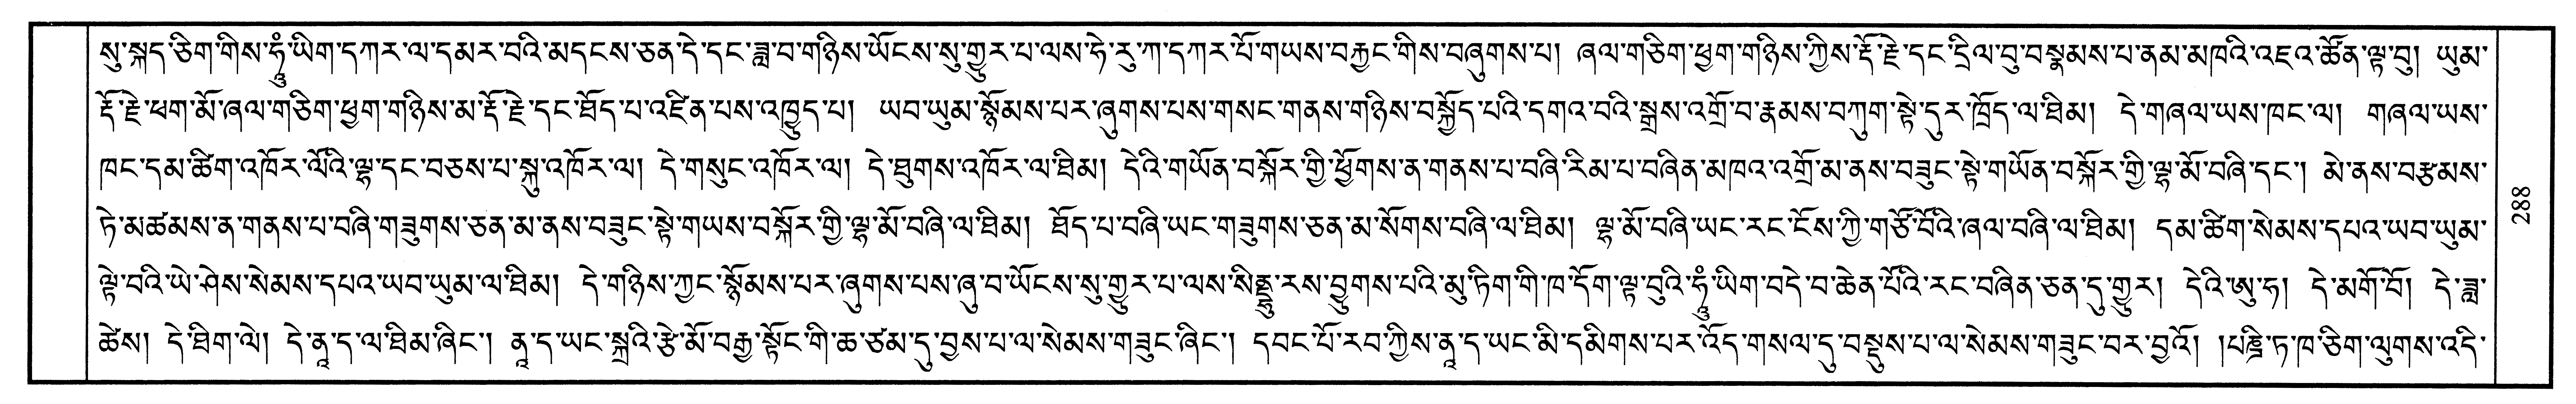སུ་སྐད་ཅིག་གིས་ཧཱུཾ་ཡིག་དཀར་ལ་དམར་བའི་མདངས་ཅན་དེ་དང་ཟླ་བ་གཉིས་ཡོངས་སུ་གྱུར་པ་ལས་ཧེ་རུ་ཀ་དཀར་པོ་གཡས་བརྐྱང་གིས་བཞུགས་པ། ཞལ་གཅིག་ཕྱག་གཉིས་ཀྱིས་རྡོ་རྗེ་དང་དྲིལ་བུ་བསྣམས་པ་ནམ་མཁའི་འཇའ་ཚོན་ལྟ་བུ། ཡུམ་
རྡོ་རྗེ་ཕག་མོ་ཞལ་གཅིག་ཕྱག་གཉིས་མ་རྡོ་རྗེ་དང་ཐོད་པ་འཛིན་པས་འཁྱུད་པ། ཡབ་ཡུམ་སྙོམས་པར་ཞུགས་པས་གསང་གནས་གཉིས་བསྐྱོད་པའི་དགའ་བའི་སྒྲས་འགྲོ་བ་རྣམས་བཀུག་སྟེ་དུར་ཁྲོད་ལ་ཐིམ། དེ་གཞལ་ཡས་ཁང་ལ། གཞལ་ཡས་
ཁང་དམ་ཚིག་འཁོར་ལོའི་ལྷ་དང་བཅས་པ་སྐུ་འཁོར་ལ། དེ་གསུང་འཁོར་ལ། དེ་ཐུགས་འཁོར་ལ་ཐིམ། དེའི་གཡོན་བསྐོར་གྱི་ཕྱོགས་ན་གནས་པ་བཞི་རིམ་པ་བཞིན་མཁའ་འགྲོ་མ་ནས་བཟུང་སྟེ་གཡོན་བསྐོར་གྱི་ལྷ་མོ་བཞིན་དང་། མེ་ནས་བརྩམས་
ཏེ་མཚམས་ན་གནས་པ་བཞི་གཟུགས་ཅན་མ་ནས་བཟུང་སྟེ་གཡས་བསྐོར་གྱི་ལྷ་མོ་བཞི་ལ་ཐིམ། ཐོད་པ་བཞི་ཡང་གཟུགས་ཅན་མ་སོགས་བཞི་ལ་ཐིམ། ལྷ་མོ་བཞི་ཡང་རང་ངོས་ཀྱི་གཙོ་བོའི་ཞལ་བཞི་ལ་ཐིམ། དམ་ཚིག་སེམས་དཔའ་ཡབ་ཡུམ་
ལྟེ་བའི་ཡེ་ཤེས་སེམས་དཔའ་ཡབ་ཡུམ་ལ་ཐིམ། དེ་གཉིས་ཀྱང་སྙོམས་པར་ཞུགས་པས་ཞུ་བ་ཡོངས་སུ་གྱུར་པ་ལས་སིནྡྷུ་རས་བྱུགས་པའི་མུ་ཏིག་གི་ཁ་དོག་ལྟ་བུའི་ཧཱུཾ་ཡིག་བདེ་བ་ཆེན་པོའི་རང་བཞིན་ཅན་དུ་གྱུར། དེའི་ཨུ་ཧ། དེ་མགོ་བོ། དེ་ཟླ་
ཚེས། དེ་ཐིག་ལེ། དེ་ནཱ་ད་ལ་ཐིམ་ཞིང་། ནཱ་ད་ཡང་སྐྲའི་རྩེ་མོ་བརྒྱ་སྟོང་གི་ཆ་ཙམ་དུ་བྱས་པ་ལ་སེམས་གཟུང་ཞིང་། དབང་པོ་རབ་ཀྱིས་ནཱ་ད་ཡང་མི་དམིགས་པར་འོད་གསལ་དུ་བསྡུས་པ་ལ་སེམས་གཟུང་བར་བྱའོ། །པཎྜི་ཏ་ཁ་ཅིག་ལུགས་འདི་